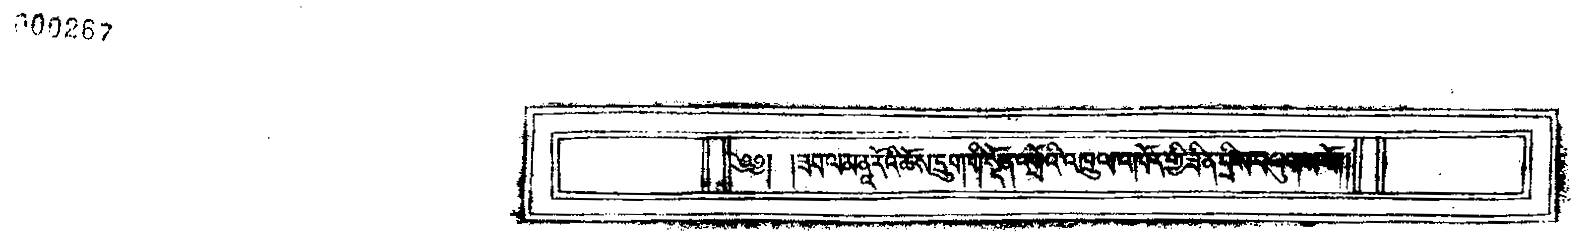༄༅། །ཟབ་ལམ་ནཱ་རོའི་ཆོས་དྲུག་གི་སྔོན་འགྲོའི་འཁྲུལ་འཁོར་གྱི་ཟིན་བྲིས་བཞུགས་སོ།།